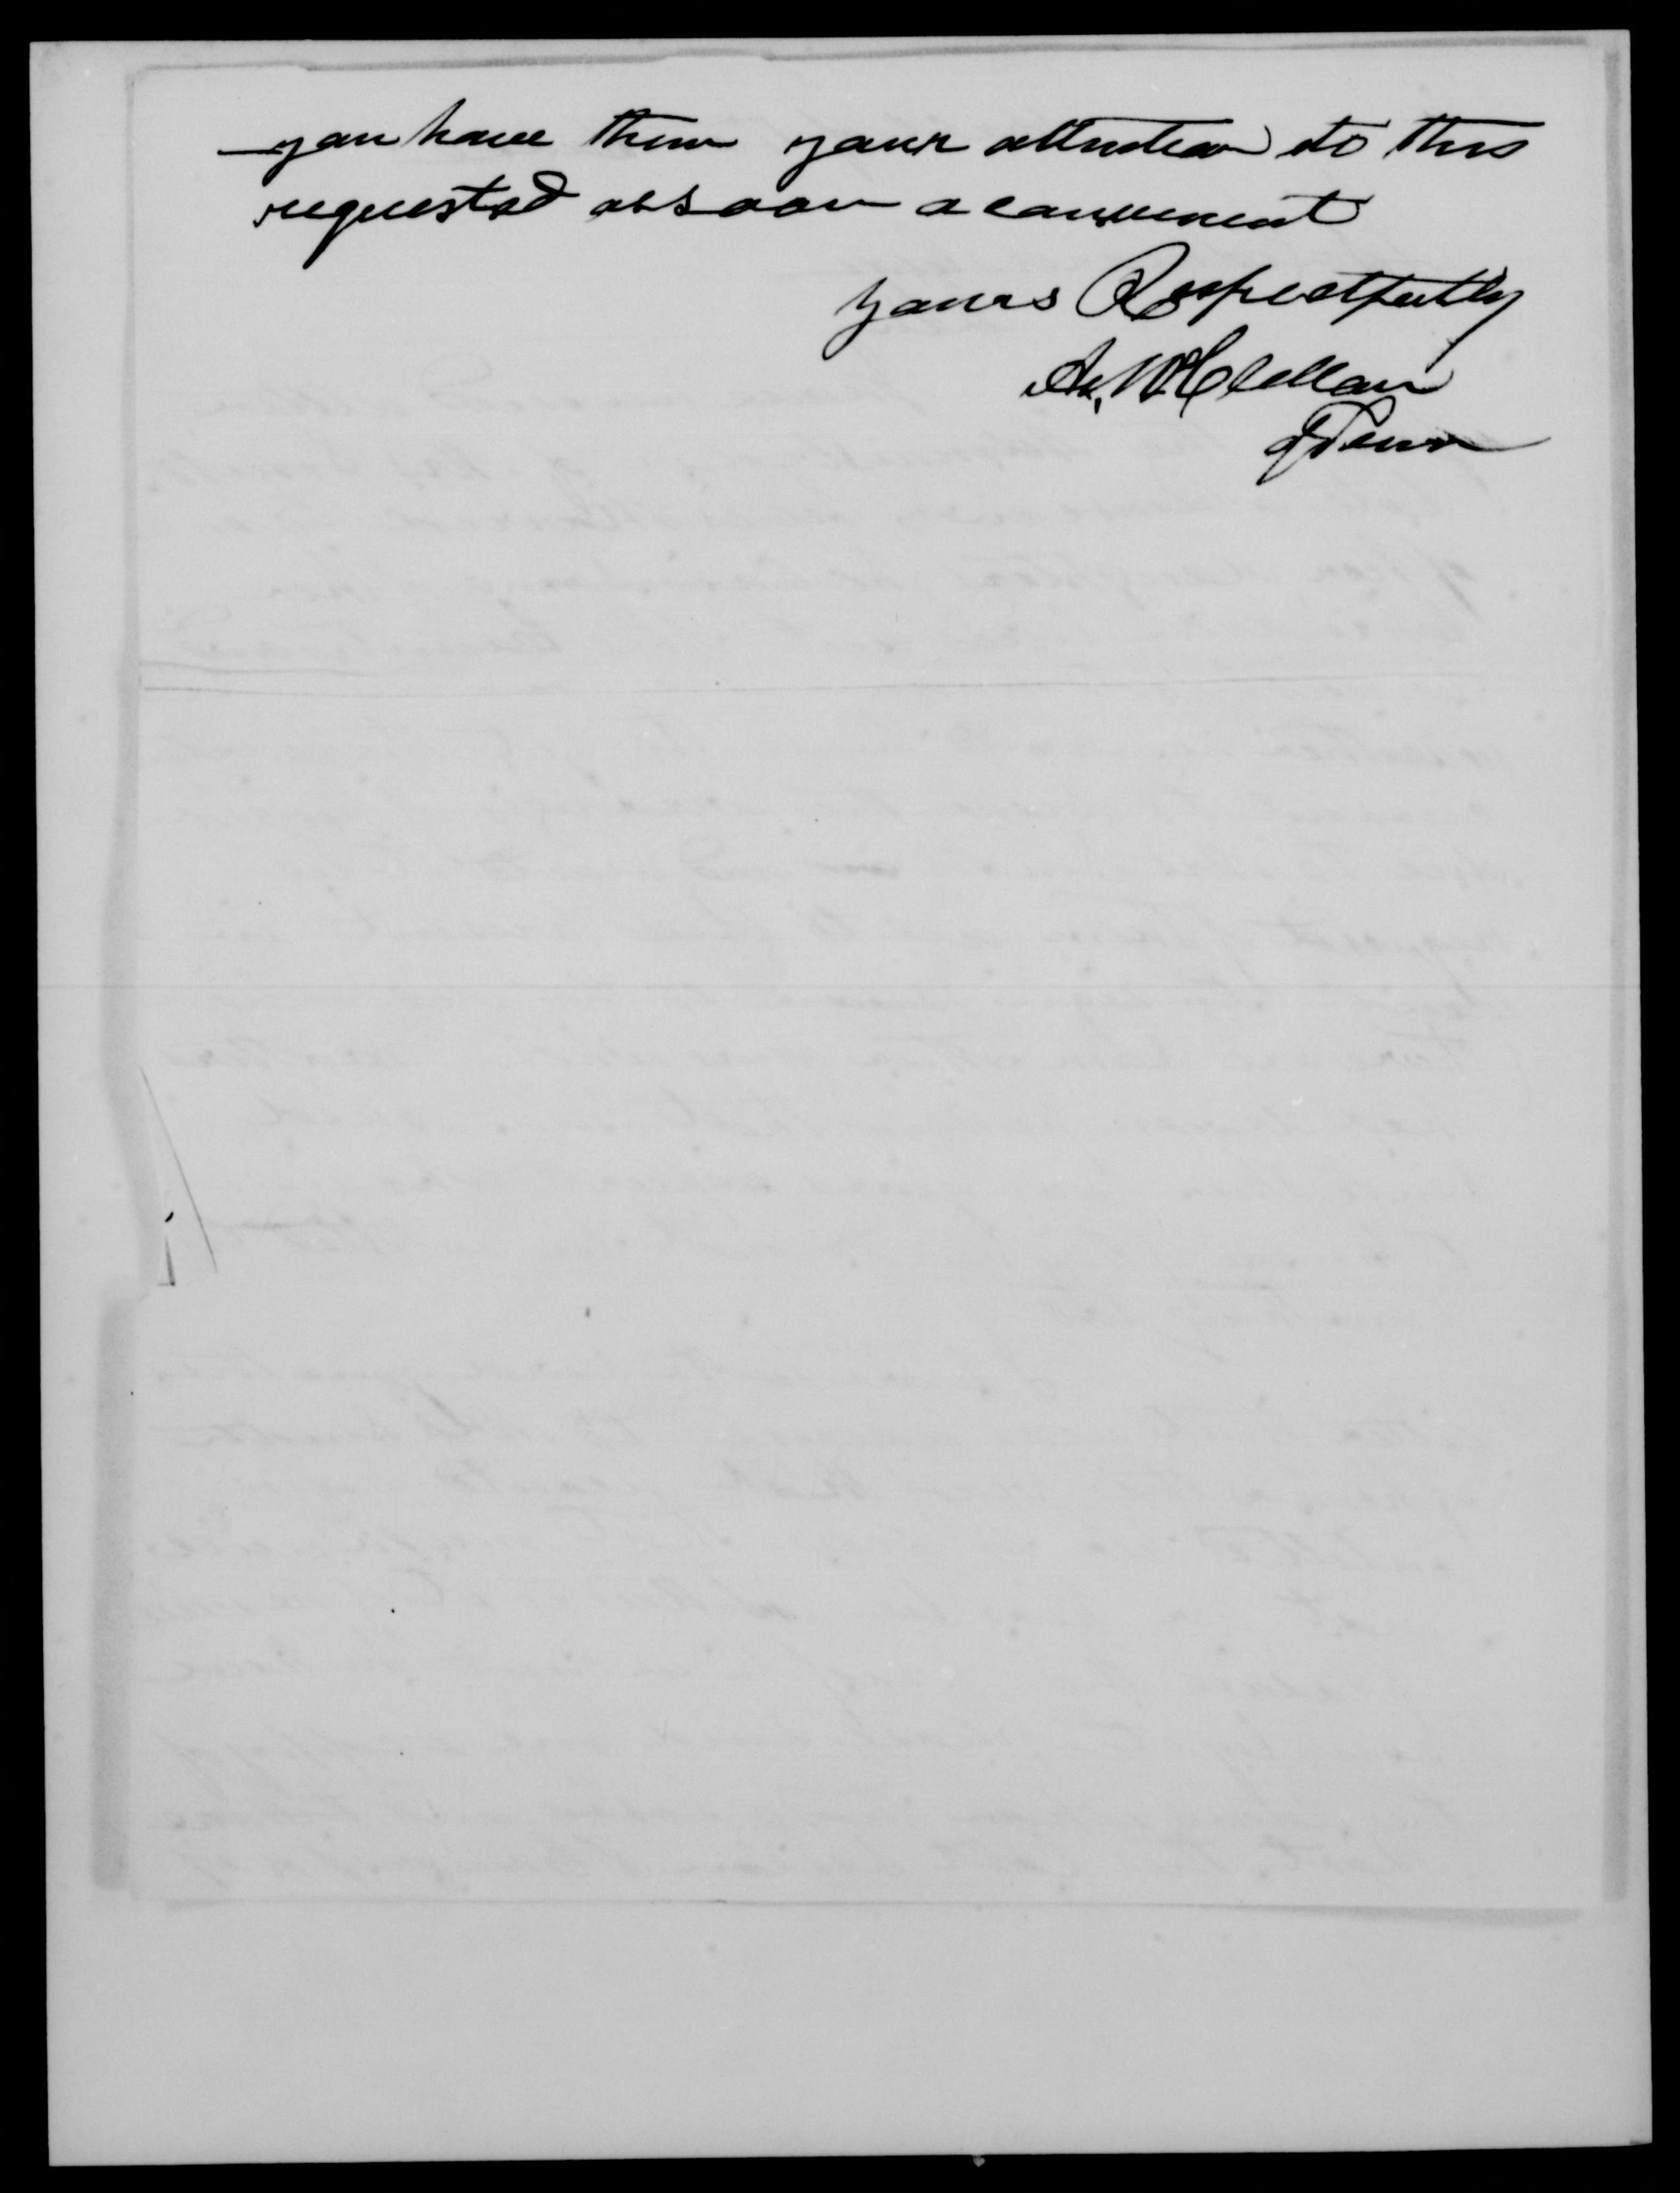you have them your attention to this
requested as soon convenient
Yours Respectfully
A. Mc Clellan
Tenn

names: A Mc Clellan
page: 63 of 79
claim: widow's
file: W. 1504, for Robert Smith, North Carolina